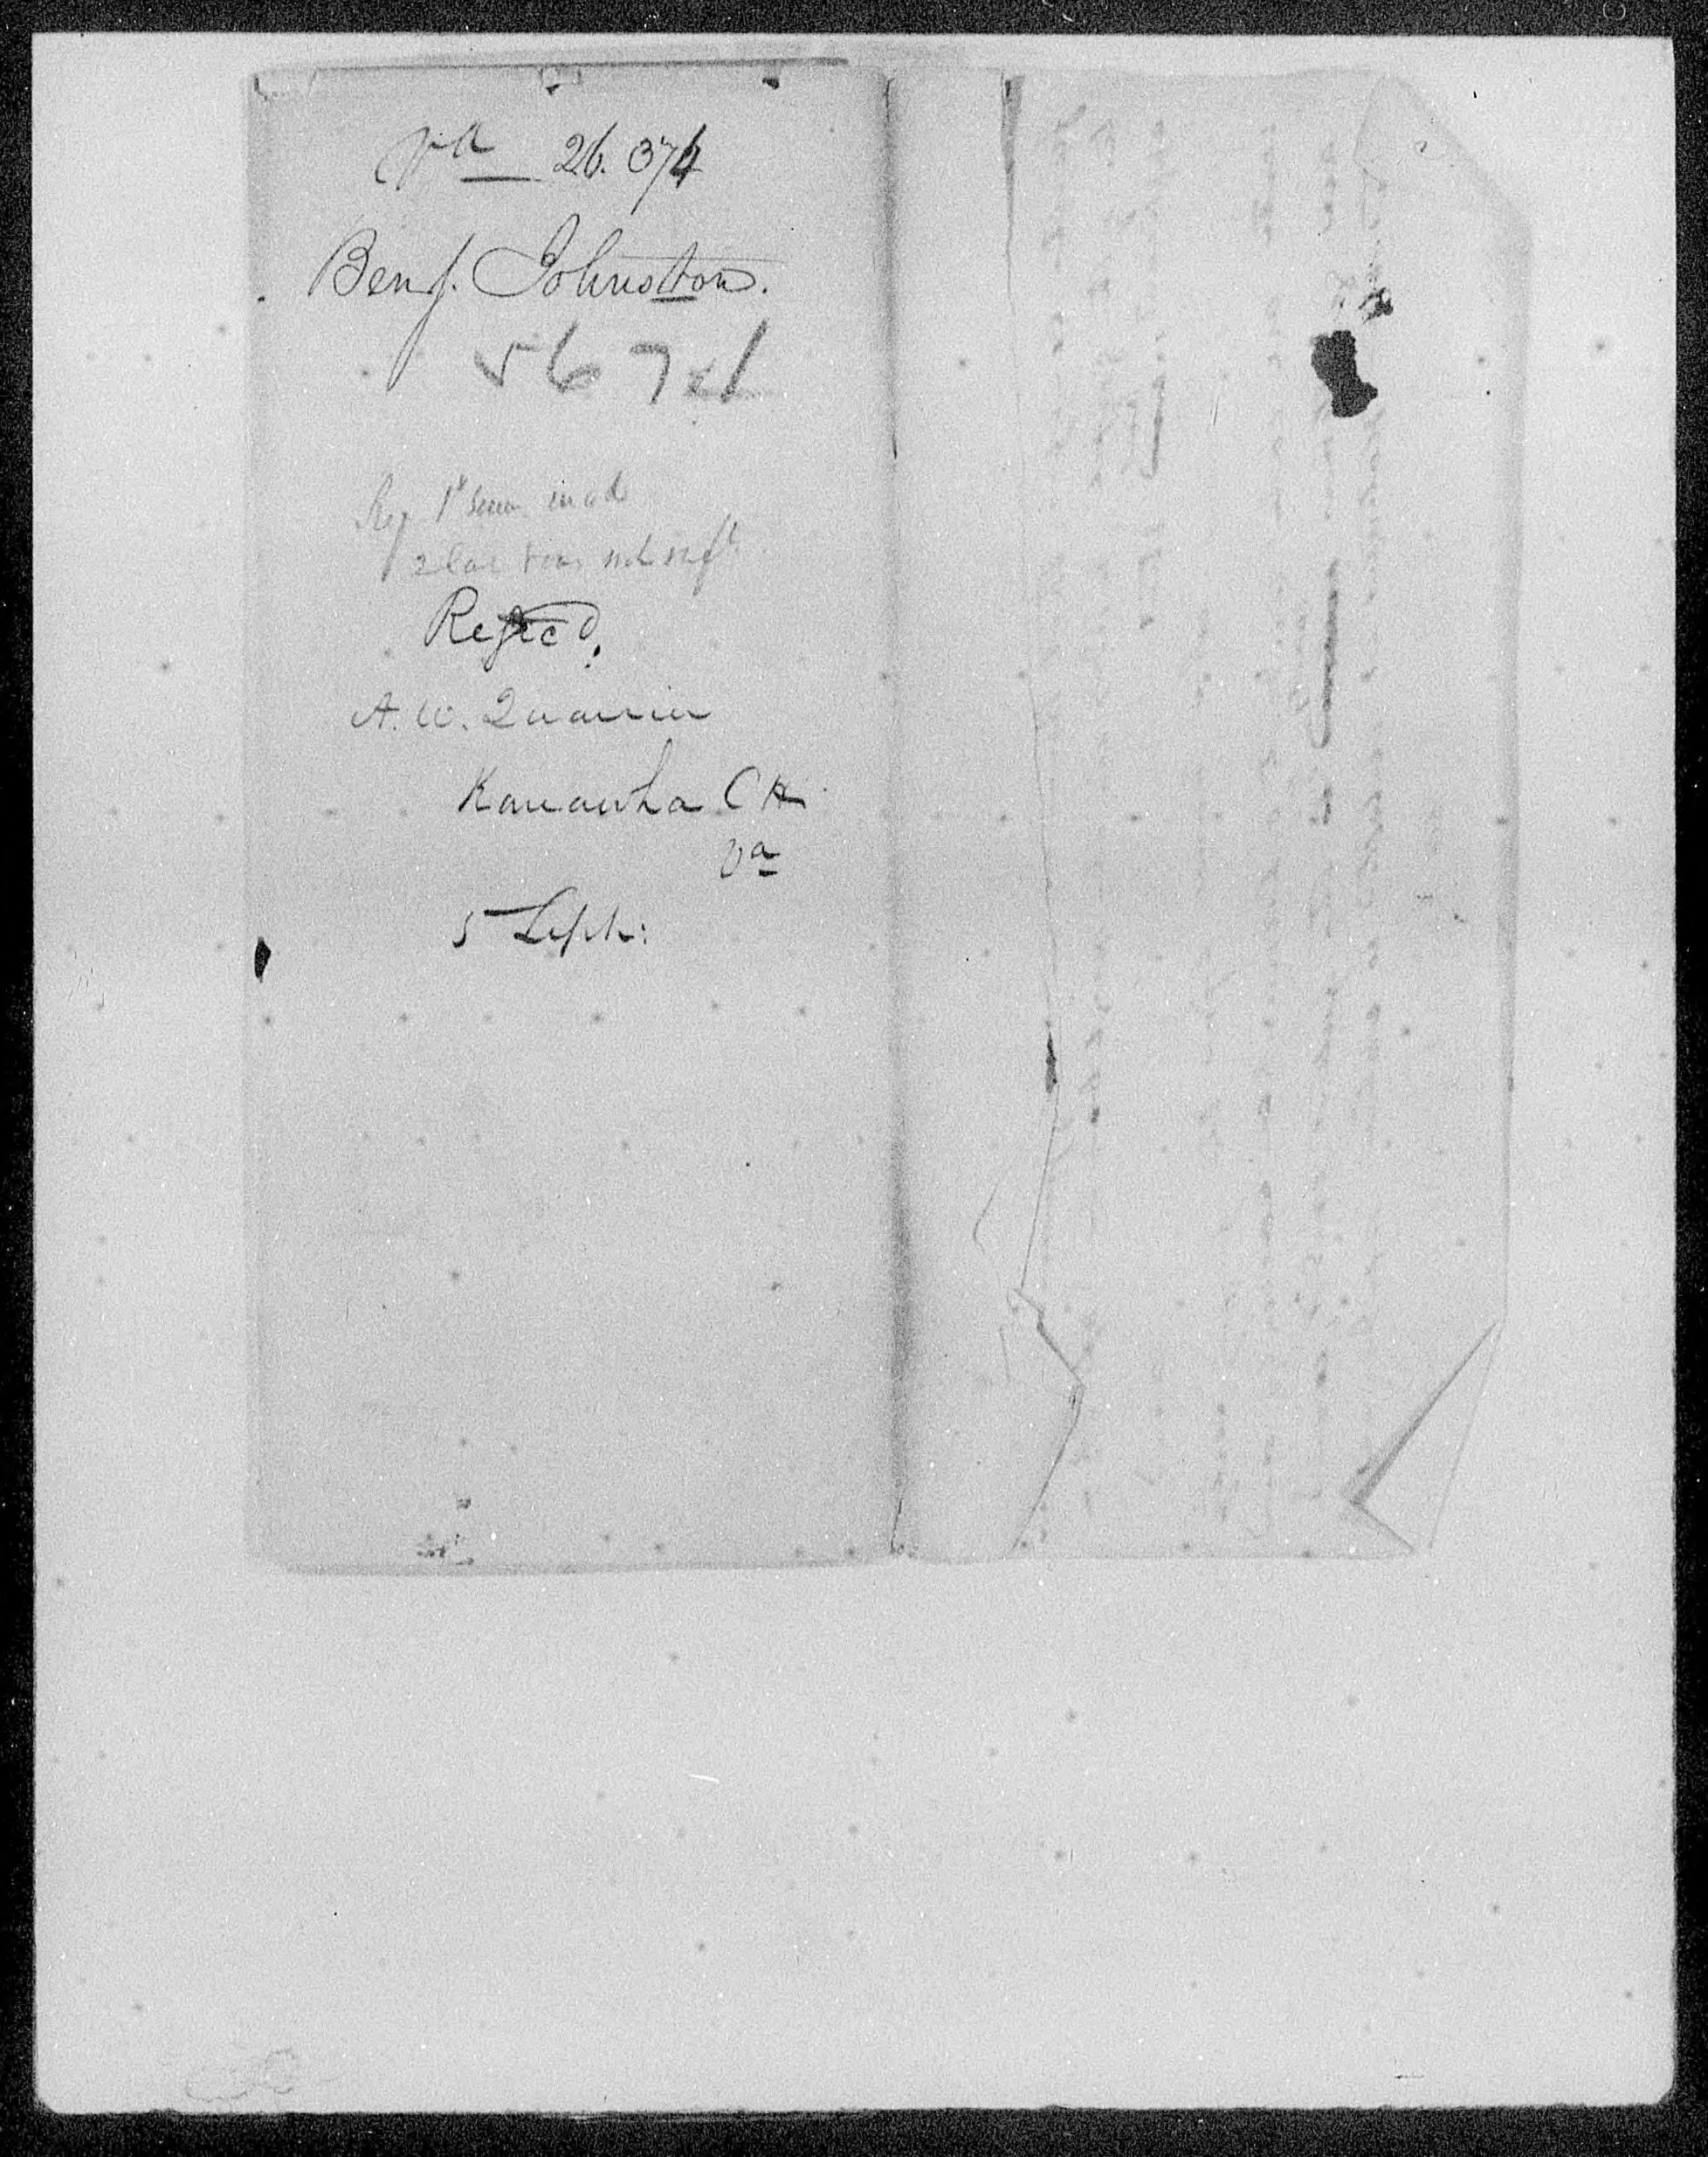Va 26.374 

Benj, Johnson  
5674 

Reg 1st serv in ad
2 lat reas not reft

Rejected 

A.W. Quarrier  

Kanawha C.H. 
Va 

5 Sept.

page: 10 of 17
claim: rejected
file: R. 5674, for Benjamin Johnson, Virginia